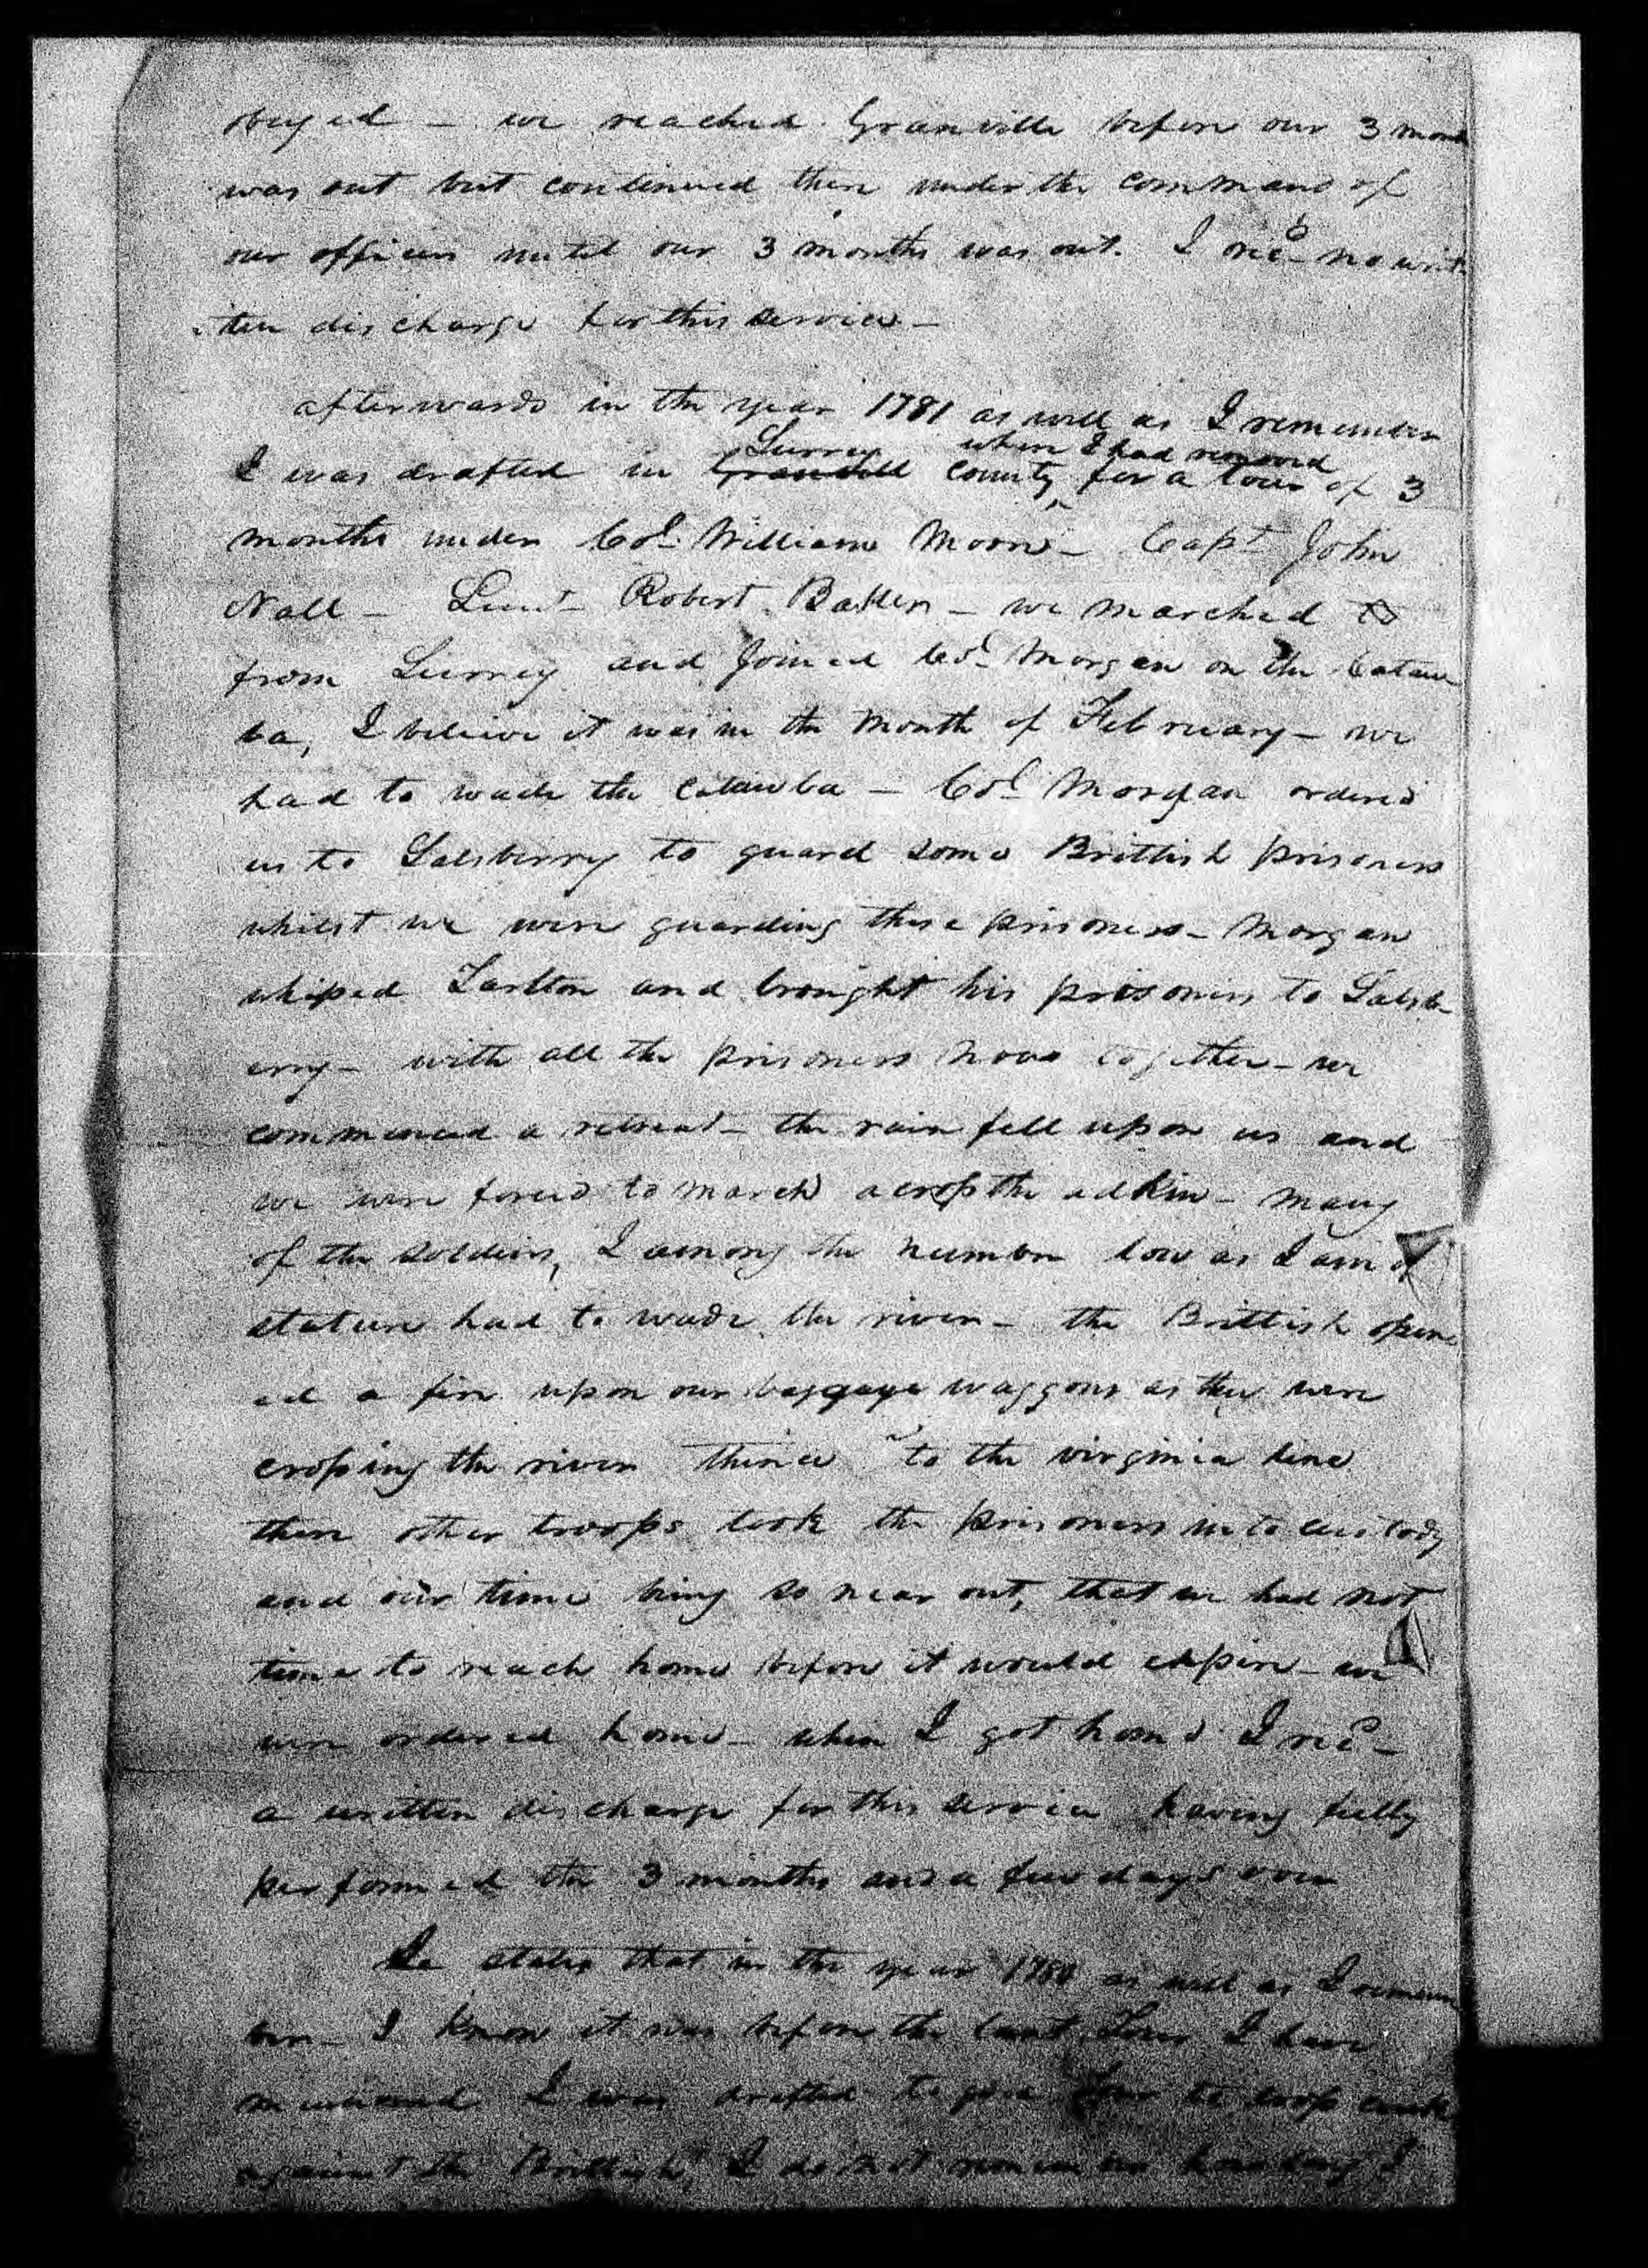obeyed -- we reached Granville before our 3 months
was out but continued there under the command of
our officers until our 3 months was out. I received no written
discharge for this service.
     Afterwards in the year 1781 as well as I remember
I was drafted in Surrey County where I had removed for a tour of 3
months under Col. William Moore, Capt. John
Nall -- Lieut Robert Baker. We marched
from Surrey and joined Col. Morgan on the Catawba,
I believe it was in the Month of February -- we
had to wade the Catawba-- Col. Morgan ordered
us to Salisbury to guard some British prisoners
whilst we were guarding those prisoners --Morgan
whiped Tarlton and brought his prisoners to Salisbury--
with all the prisoners now together--we
commenced a retreat--the rain fell upon us and
we were forced to march across the Adkin--many
of the soldiers, I among the number low as I am of
station had to wade the river--the Brittish opened 
a fire upon our baggage waggons as they were
crossing the river thence to the Virginia line
there other troops took the prisoners into custody
and our time being so near out, that we had not 
time to reach home before it would expire--we
were ordered home-- when I got home I rec'd
a written discharge for this service having fully
performed the 3 months and a few days over.
        He states that in the year 1780 as best I remember.
I know it was before the last Tour I have
mentioned. I was drafted to go a Tour to cross arms
against the Brittish, I do not remember how long I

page: 5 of 17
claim: survivor's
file: S. 38092, for Stephen Jones, North Carolina